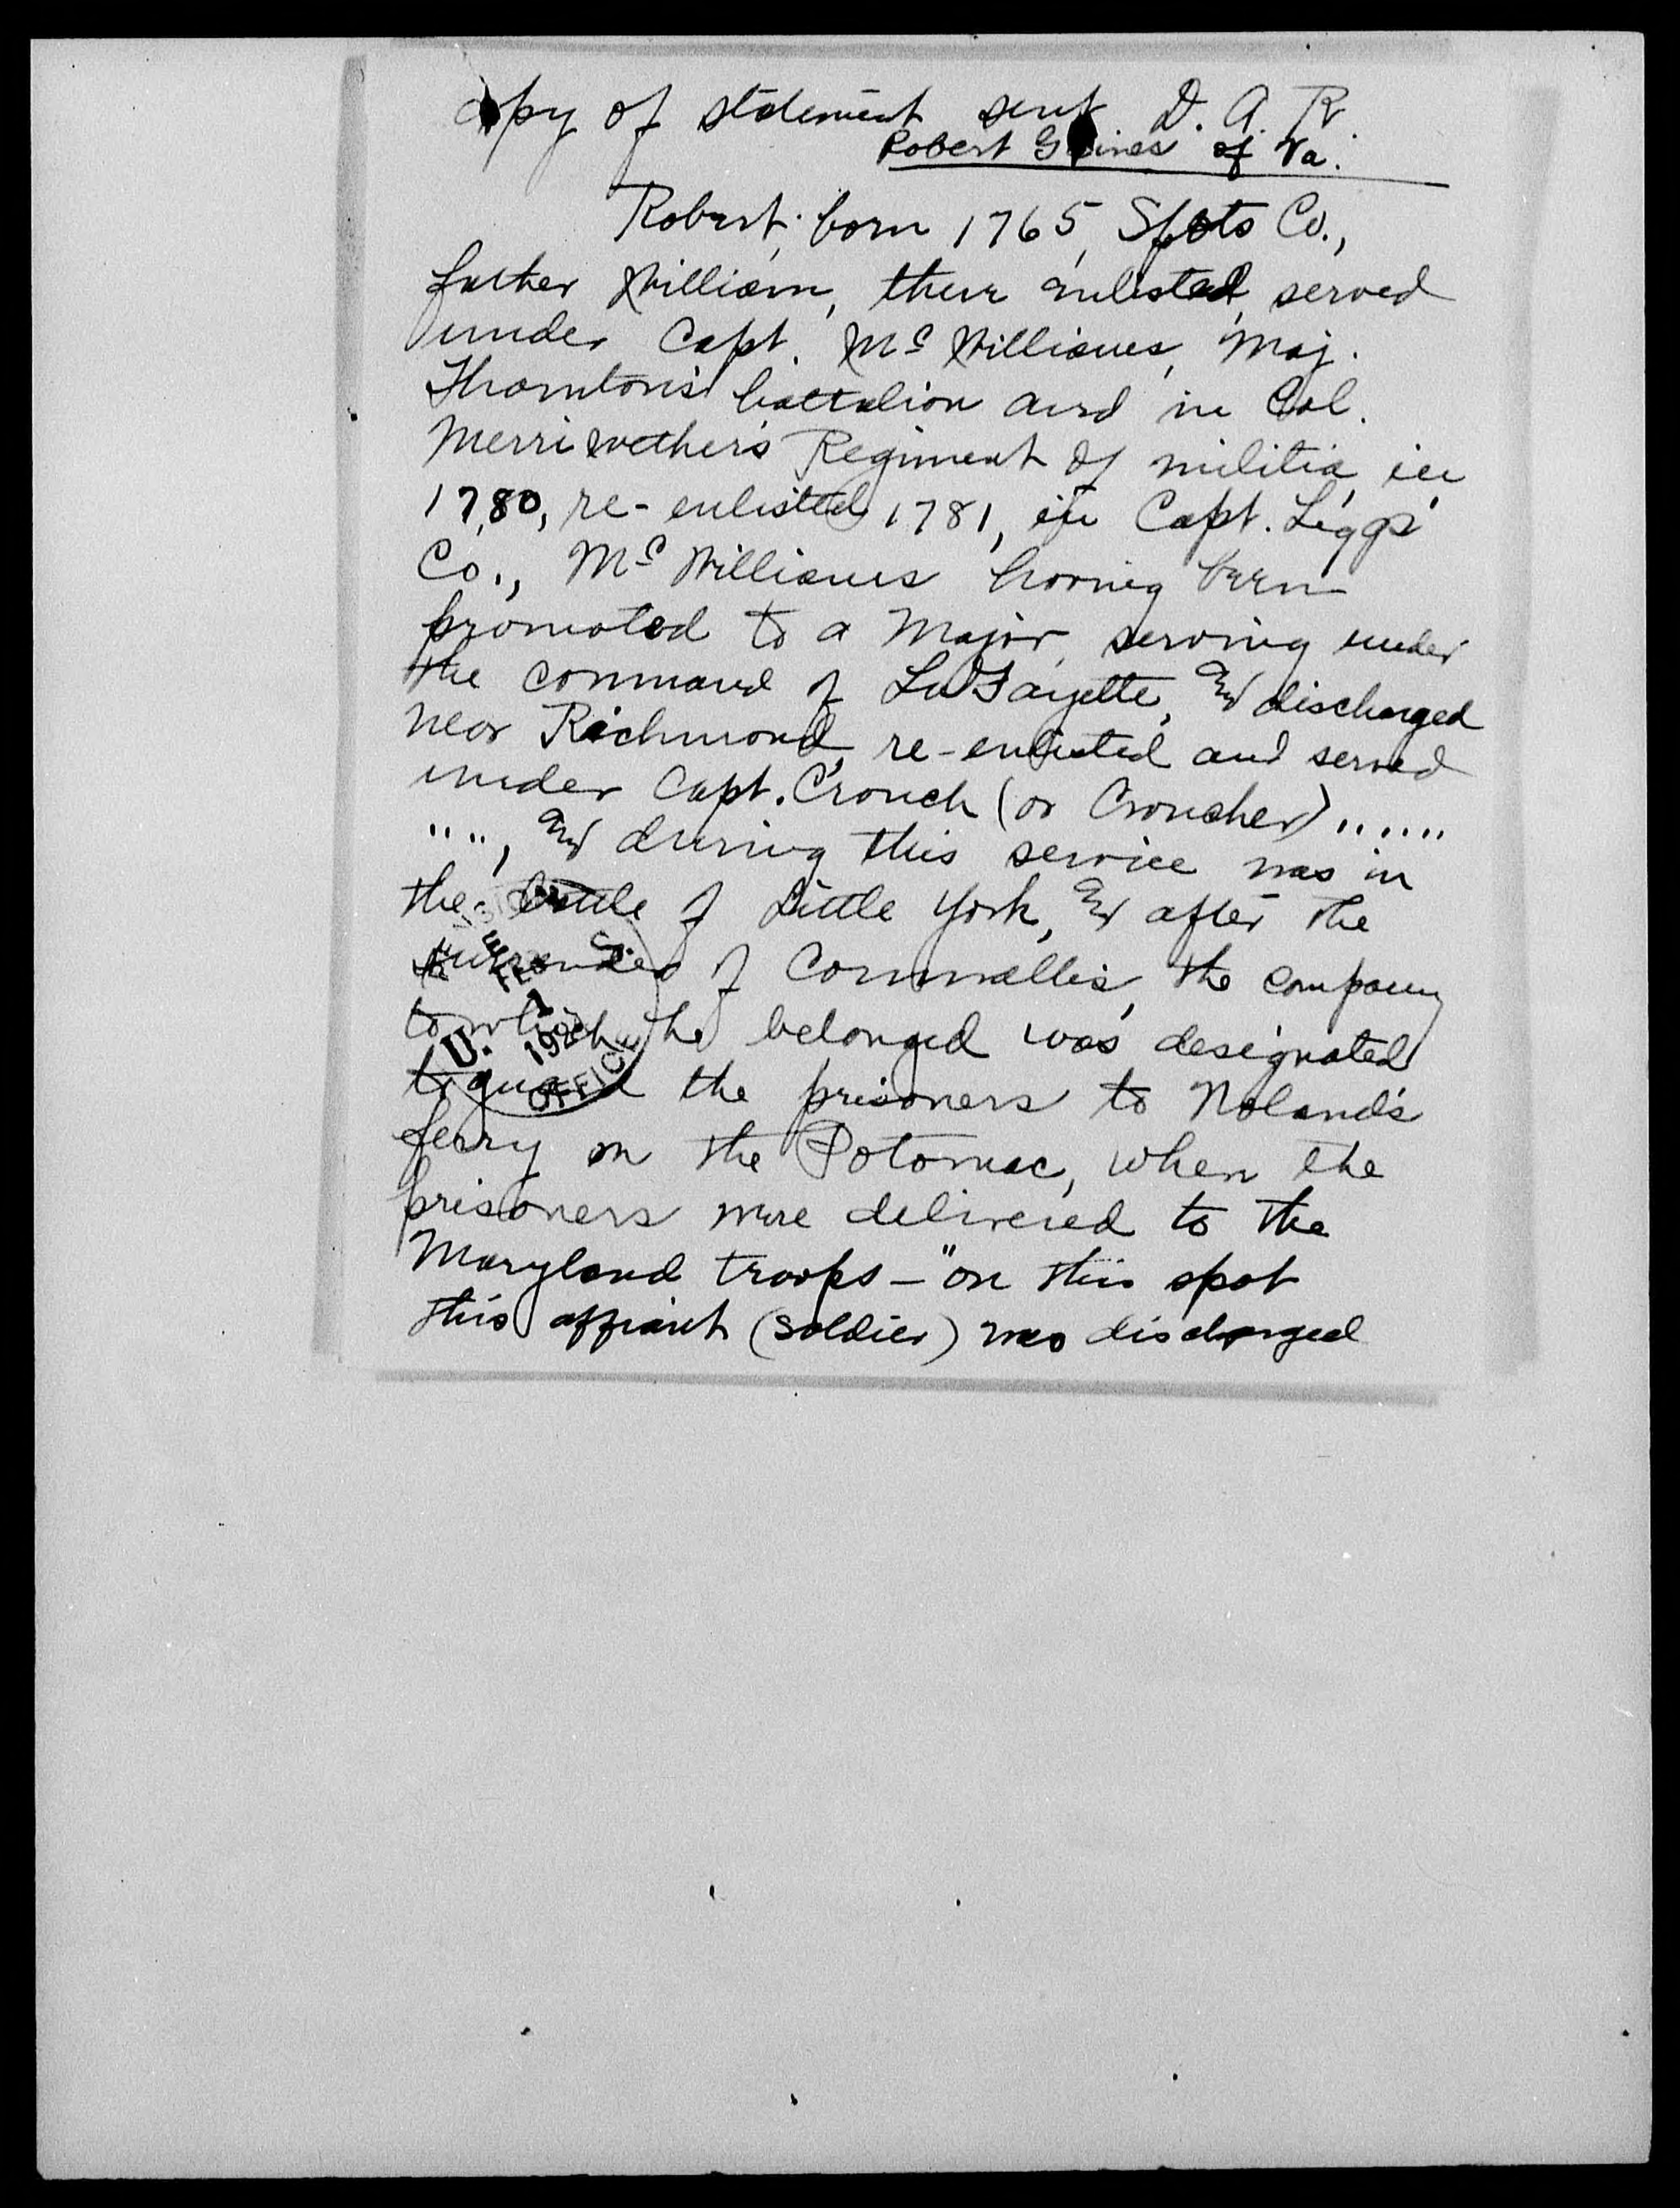copy of statement sent D.A.R.
Robert Gaines of Va.

Robert born 1765, Spots Co.
father William, there enlisted, served
under Capt. McWilliams, Maj.
Thornton's battalion and in Col.
Merriwether's Regiment of Militia in
1780, re-enlisted 1781, in Capt. Legg's
Co., McWilliams having been
promoted to a Major, serving under 
the command of La Fayette, and discharged
near Richmond re-enlisted and served
under Capt. Crouch (or Croucher)......
...., and during this service was in
the Battle of Little York, and after the
surrender of Commallis the company
to which he belonged was designated
guard the prisoners to Noland's
ferry on the Potomac, when the
prisoners were delivered to the
Maryland troops - "on this spot
this affiant (soldier) was discharged

U. S. PENSION OFFICE
E
FEB
1
1924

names: Robert Gaines, La Fayette, Mc Williams, Mc Williams, Croucher, Robert, William, Crouch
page: 52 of 79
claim: rejected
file: R. 3863, Robert Gaines, Va.